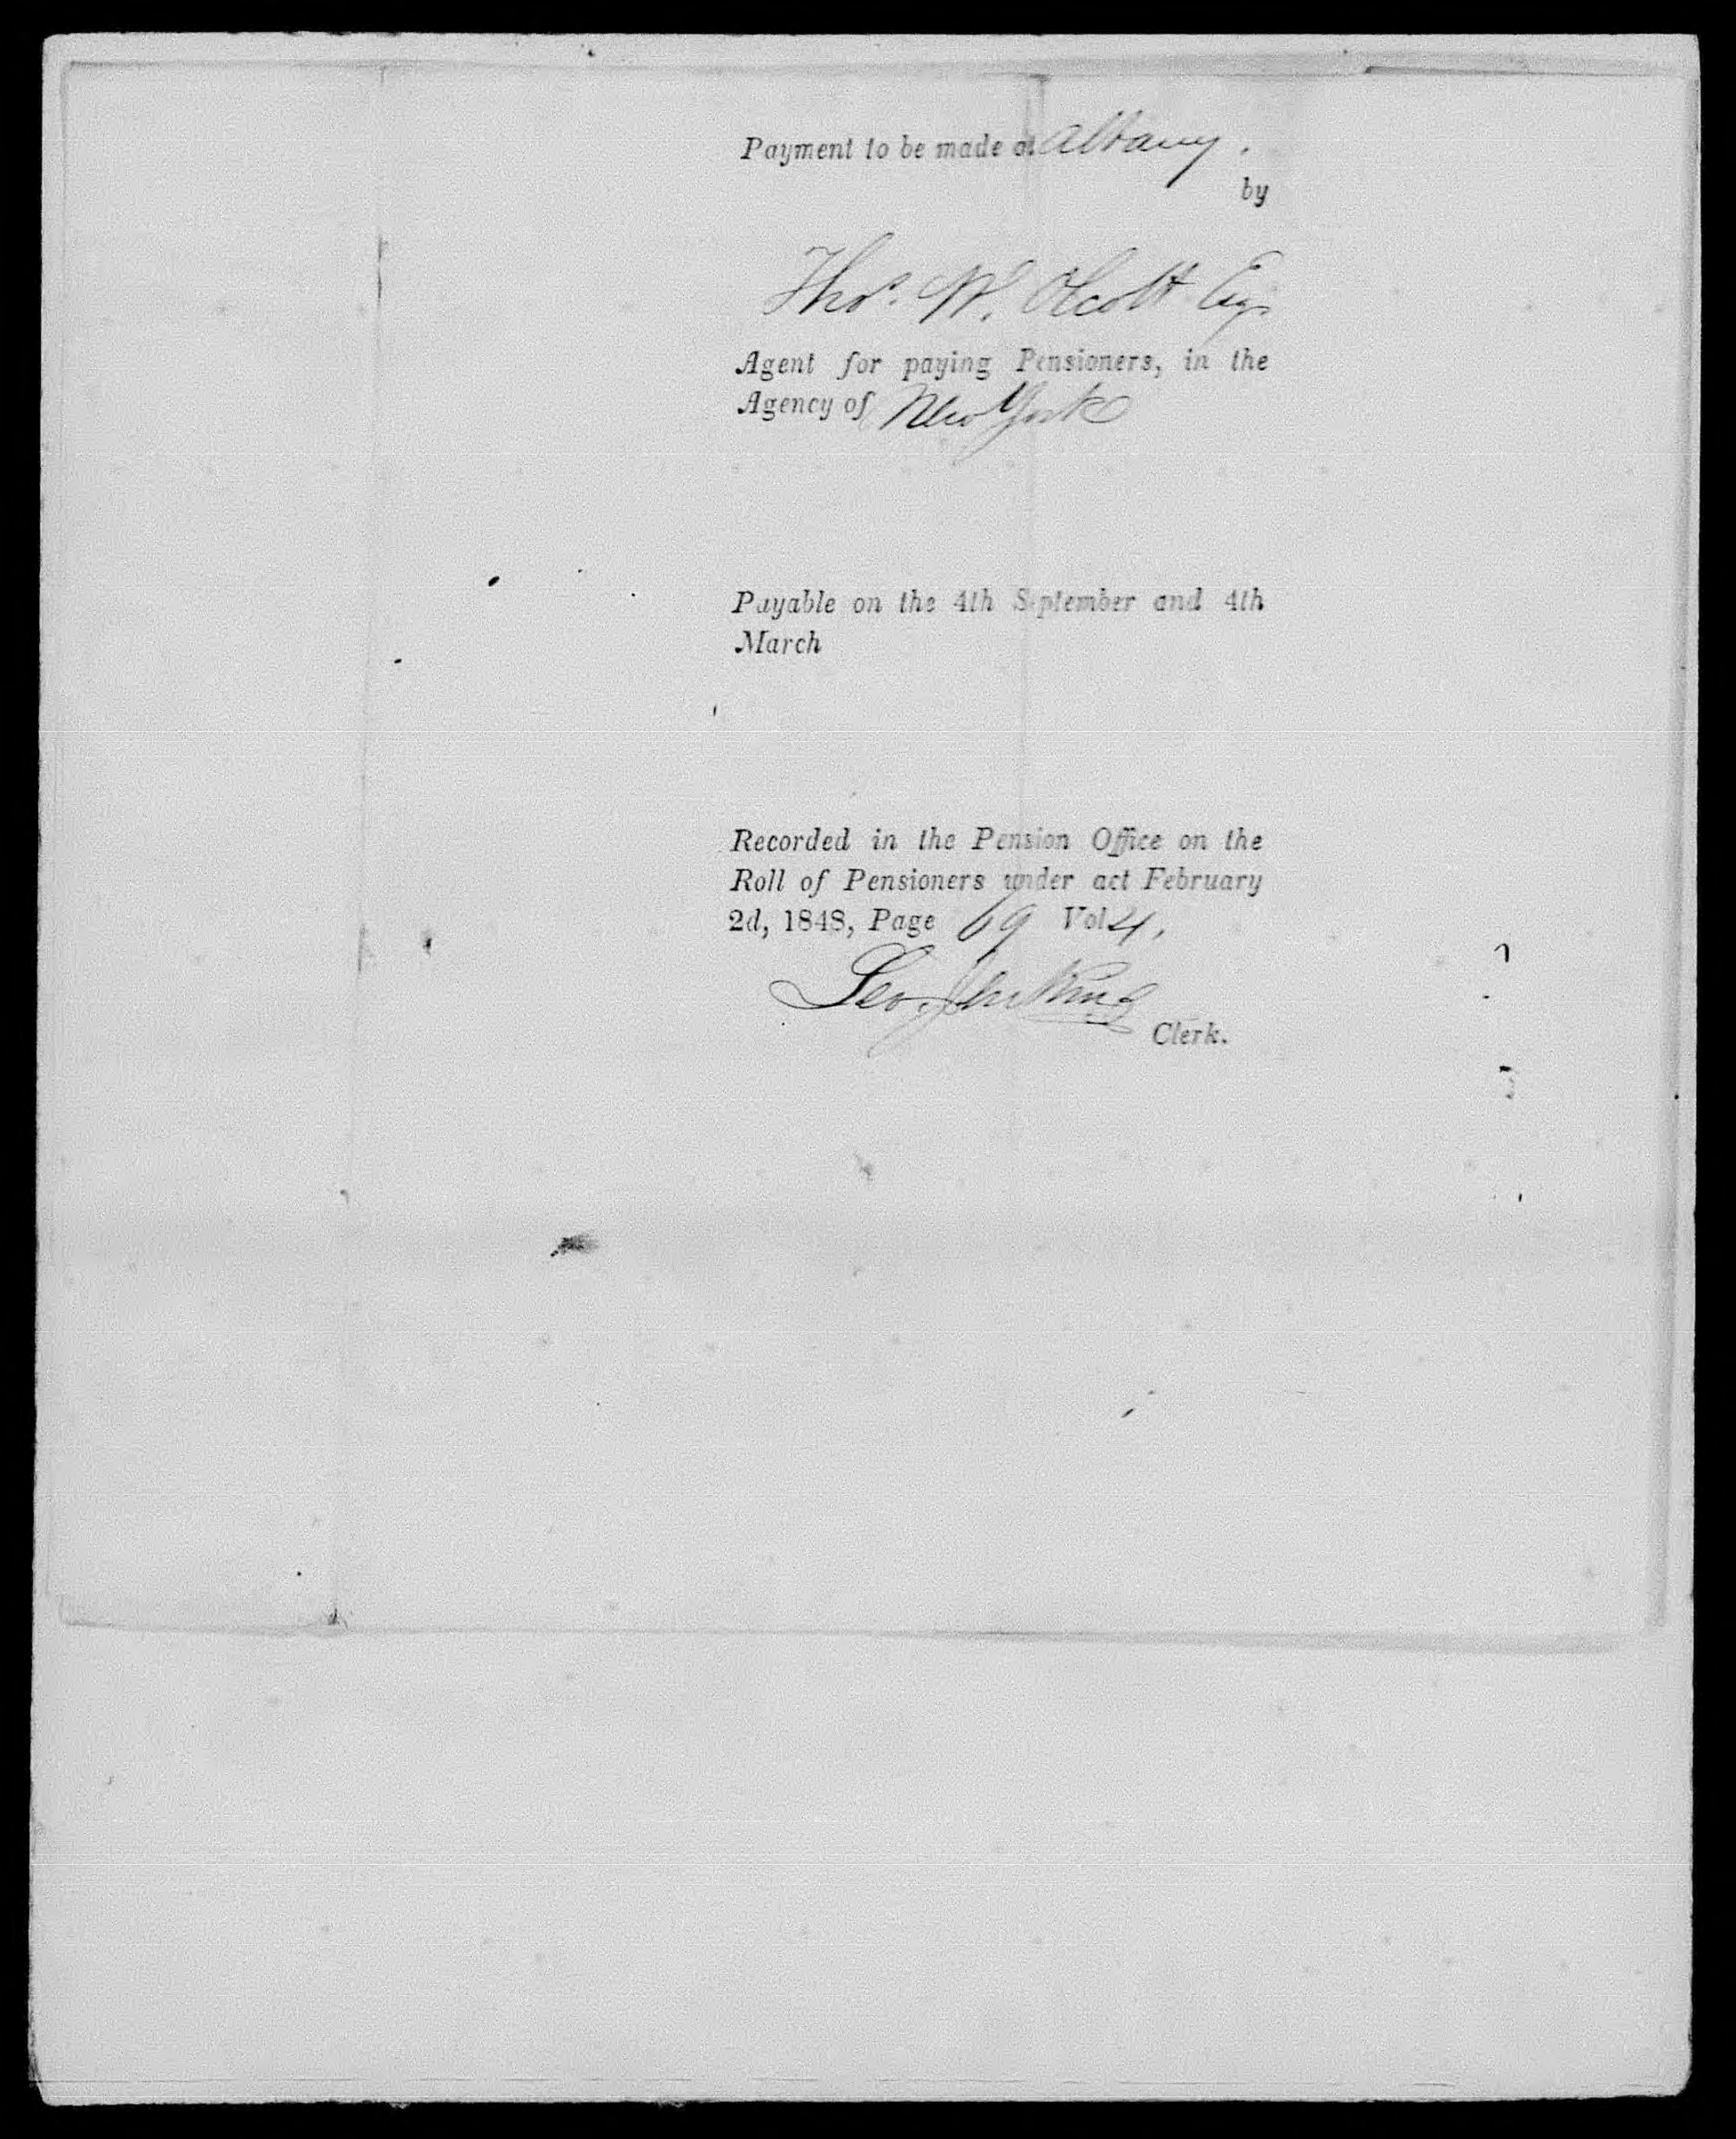Payment to be made at Albany
by
Thos W. Olcott Esq
Agent for paying Pensioners, in the
Agency of New York

Payable on the 4th September and 4th
March

Recorded in the Pension Office on the
Roll of Pensioners under act February
2d, 1848, Page 69  Vol 4,
Leo Jenkins
Clerk.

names: Leo Jenkins, Thos W Olcott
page: 38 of 46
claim: widow's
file: W. 23022, Thomas Farr, N.H.